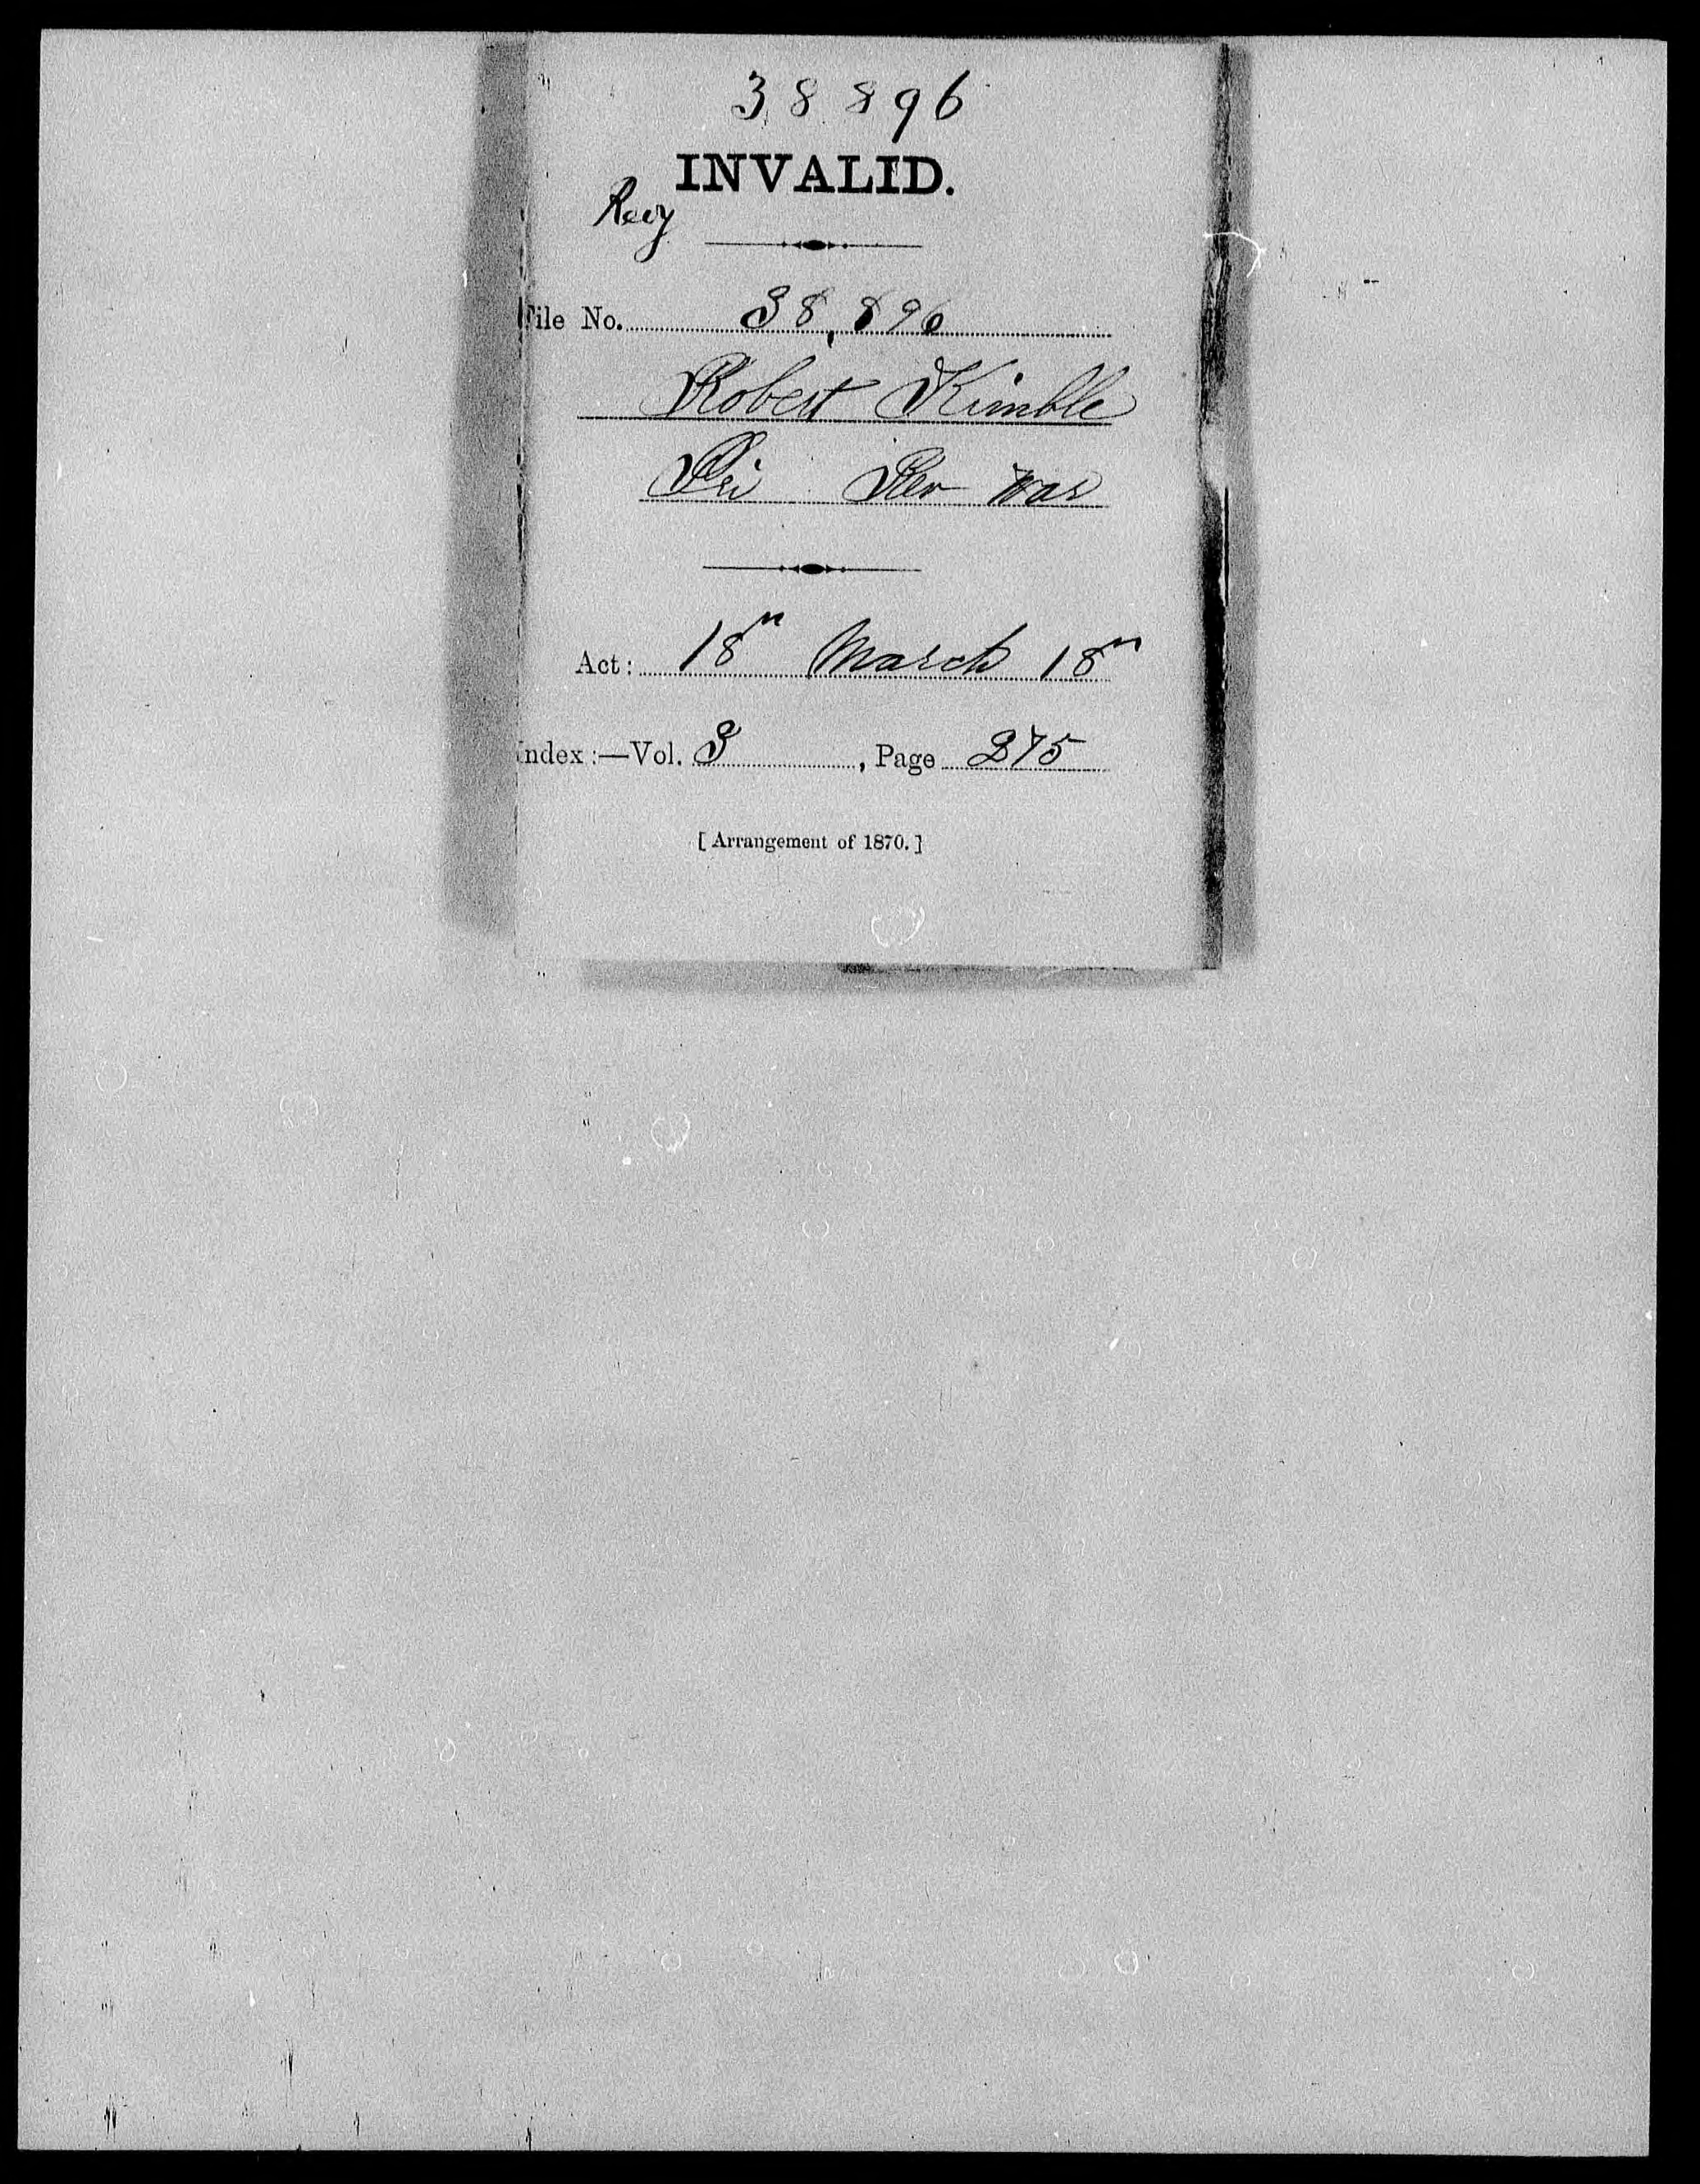38896
INVALID.
Revy
File No. 38,896
Robert Kimble
Pri Rev War

Act: 18" March 18"
Index:-Vol. 3, Page 275
[Arrangement of 1870.]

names: Robert Kimble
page: 2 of 9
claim: survivor's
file: S. 38896, for Robert Kimble, Virginia